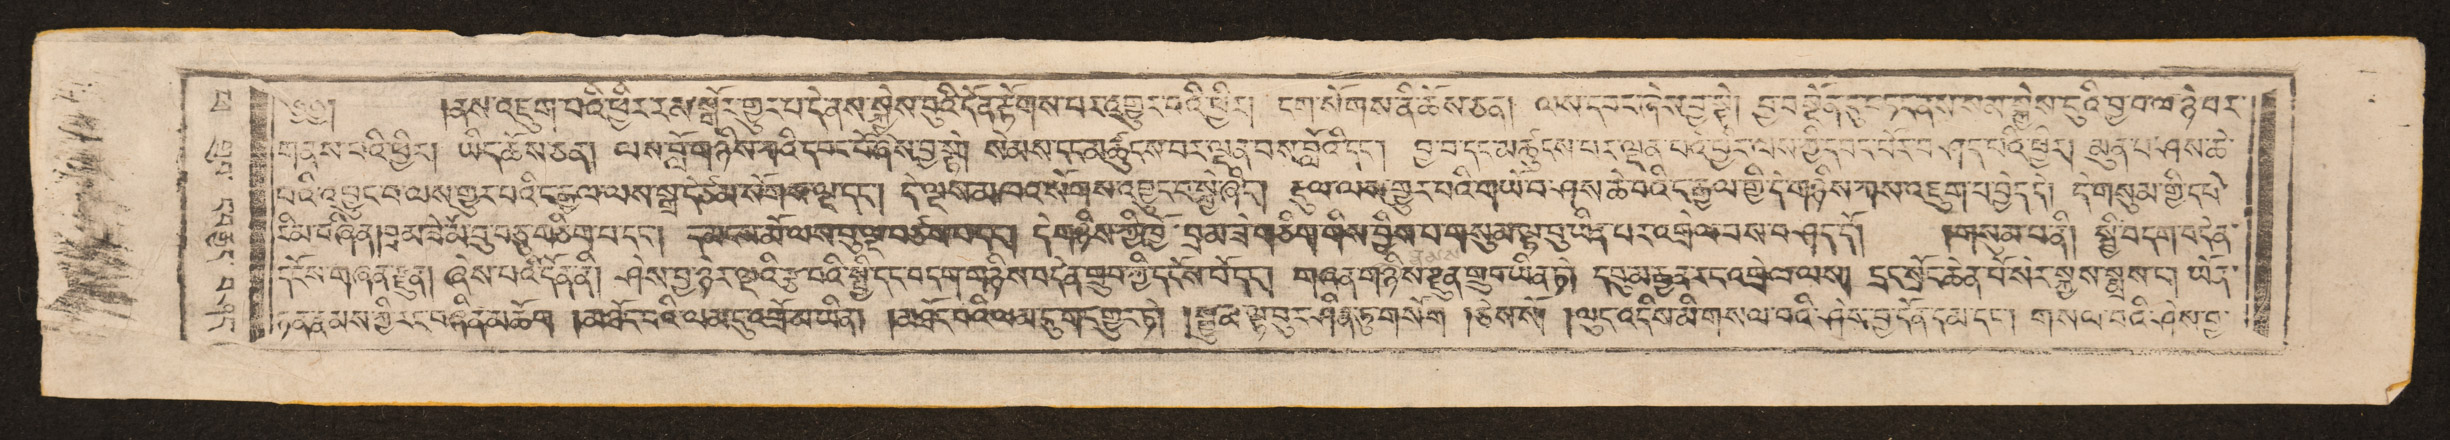༄༅། །ནས་འཇུག་པའི་ཕྱིར་རམ་སྒོར་གྱུར་བ་དེ་ནས་སྐྱེས་བུའི་དོན་རྟོགས་པར་འགྱུར་བའི་ཕྱིར། དག་སོགས་ནི་ཆོས་ཅན། ལས་དབང་ཞེས་བྱ་སྟེ། བྱ་བ་སྔོན་དུ་བཏང་ནས་སམ་སྐྱེས་བུའི་བྱ་བ་ལ་ཉེ་བར་
གནས་པའི་ཕྱིར། ཡིད་ཆོས་ཅན། ལས་བློ་གཉིས་ཀའི་དབང་པོ་ཞེས་བྱ་སྟེ། སེམས་དང་མཚུངས་པར་ལྡན་པས་བློའི་དང་། བྱ་བ་དང་མཚུངས་པར་ལྡན་པའི་ཕྱིར་ལས་ཀྱི་དབང་པོར་བཤད་པའི་ཕྱིར། མུན་པ་ཤས་ཆེ་
བའི་འབྱུང་བ་ལས་གྱུར་བའི་ང་རྒྱལ་ལས་སྒྲ་དེ་ཙམ་སོགས་ལྔ་དང་། དེ་ལྔས་མཁའ་སོགས་འབྱུང་བ་སྐྱེ་ཞིང་། རྡུལ་ལས་གྱུར་པའི་གཡོ་བ་ཤས་ཆེ་བའི་ང་རྒྱལ་གྱི་དེ་གཉིས་ཀས་འཇུག་པ་བྱེད་དེ། དེ་གསུམ་གྱི་དཔེ་
རིམ་བཞིན། བྲམ་ཟེ་མོ་བུ་བཅུ་གཅིག་པ་དང་། དམངས་མོ་ལས་བུ་ལྔ་བཙས་པ་དང་། དེ་གཉིས་ཀྱི་ཁྱོ་བྲམ་ཟེ་གཅིག་གིས་བྱིས་པ་གསུམ་ལྟ་བུ་ཡིན་པར་འགྲེལ་བས་བཤད་དོ། །གསུམ་པ་ནི། སྤྱི་བདག་བདེན་
དངོས་གཞན་རྫུན། ཞེས་པའི་དོན་ནི། ཤེས་བྱ་ཉེར་ལྔའི་རྩ་བའི་སྤྱི་དང་བདག་གཉིས་བདེན་གྲུབ་ཀྱི་དངོས་པོ་དང་། གཞན་གཉིས་རྫུན་གྲུབ་ཡིན་ཏེ། དབུ་མ་རྒྱན་རང་འགྲེལ་ལས། དྲང་སྲོང་ཆེན་པོ་སེར་སྐྱས་སྨྲས་ང་། ཡོན་
ཏན་རྣམས་ཀྱི་རང་བཞིན་མཆོག །མཐོང་བའི་ལམ་དུ་འགྲོ་མ་ཡིན། །མཐོང་བའི་ལམ་དུ་གང་གྱུར་ཏེ། །སྒྱུ་མ་ལྟ་བུར་ཤིན་ཏུ་གསོག །ཅེས་སོ། །ལུང་འདིས་མི་གསལ་བའི་ཤེས་བྱ་དོན་དམ་དང་། གསལ་བའི་ཤེས་བྱ་